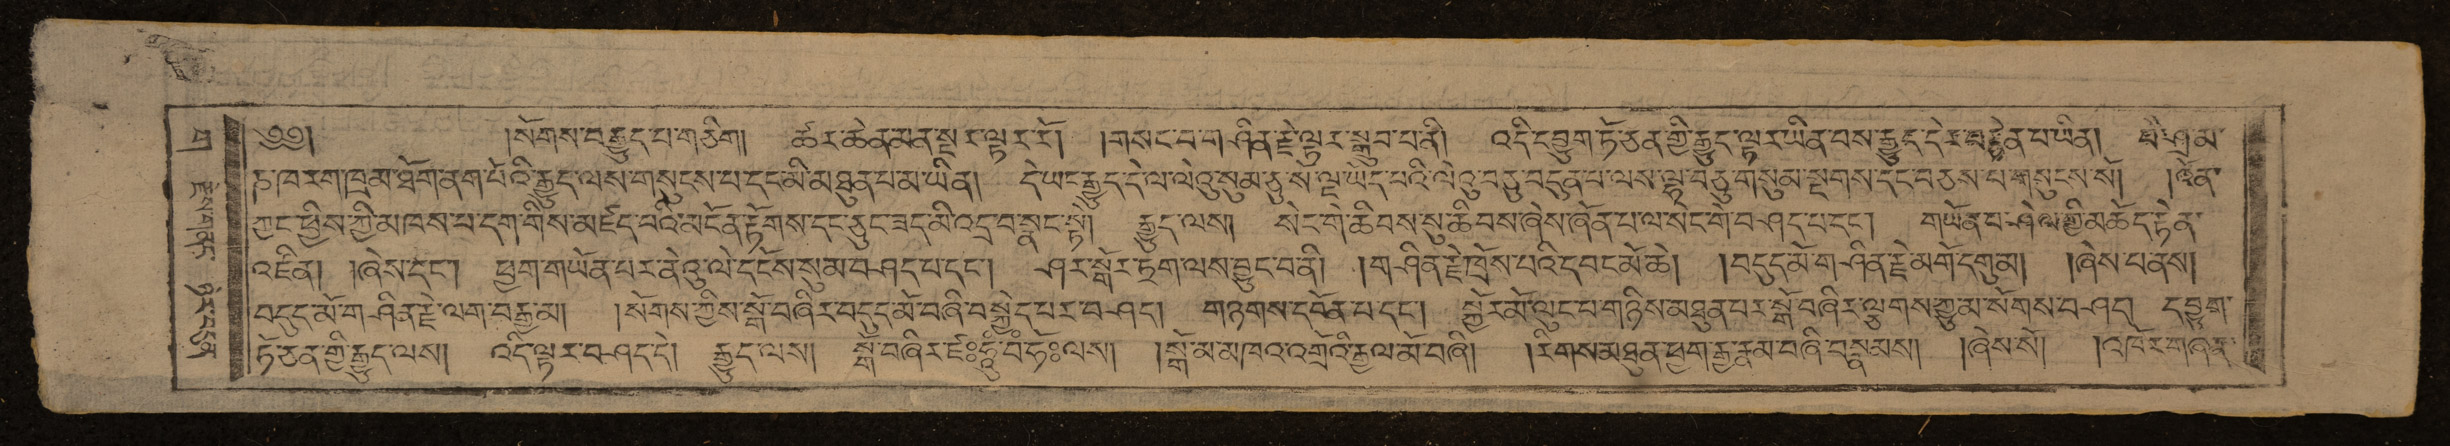༄༅། །སོགས་བརྒྱུད་པ་གཅིག། ཚར་ཆེན་མན་སྔར་ལྟར་རོ། །གསང་བ་གཤིན་རྗེ་ལྟར་སྒྲུབ་པ་ནི། འདི་དབྱུག་ཏོ་ཅན་གྱི་རྒྱུད་ལྟར་ཡིན་པས་རྒྱུད་དེར་བརྟེན་པ་ཡིན། བཻ་ཤྲ་མ་
ཎ་ཁ་རག་ཁྲམ་ཐོག་ནག་པོའི་རྒྱུད་ལས་གསུངས་པ་དང་མི་མཐུན་པ་མ་ཡིན། དེ་ཡང་རྒྱུད་དེ་ལ་ལེའུ་སུམ་ཅུ་སོ་ལྔ་ཡོད་པའི་ལེའུ་བཅུ་བདུན་པ་ལས་ལྷ་བཅུ་གསུམ་སྔགས་དང་བཅས་པ་གསུངས་སོ། །འོན་
ཀྱང་ཕྱིས་ཀྱི་མཁས་པ་དག་གིས་མཛད་པའི་མངོན་རྟོགས་དང་ཅུང་ཟད་མི་འདྲ་བ་སྣང་སྟེ། རྒྱུད་ལས། སེང་གེ་ཆིབས་སུ་ཆིབས་ཞེས་ཞོན་པ་ལ་སེང་གེ་བཤད་པ་དང་། གཡོན་པ་ཤེལ་གྱི་མཆོད་རྟེན་
འཛིན། །ཞེས་དང་། ཕྱག་གཡོན་པར་ནེའུ་ལེ་དངོས་སུམ་བཤད་པ་དང་། ཤར་སྒོར་ཏྲག་ལས་བྱུང་བ་ནི། །གཤིན་རྗེ་ཁྲོས་པའི་དབང་མོ་ཆེ། །བདུད་མོ་གཤིན་རྗེ་མགོ་དགུམ། །ཞེས་པ་ནས།
བདུད་མོ་གཤིན་རྗེ་ལག་བརྒྱ་མ། །སོགས་ཀྱིས་སྒོ་བཞིར་བདུད་མོ་བཞི་བསྐྱེད་པར་བཤད། གཉགས་དབོན་པ་དང་། སྐྱོར་མོ་ལུང་བ་གཉིས་མཐུན་པར་སྒོ་བཞིར་ལྕགས་ཀྱུ་མ་སོགས་བཤད། དབྱུག་
ཏོ་ཅན་གྱི་རྒྱུད་ལས། འདི་ལྟར་བཤད་དེ། རྒྱུད་ལས། སྒོ་བཞིར་ཛཿཧཱུཾ་བཾ་ཧོཿལས། །སྒོ་མ་མཁའ་འགྲོའི་རྒྱལ་མོ་བཞི། །རིགས་མཐུན་ཕྱག་རྒྱ་རྣམ་བཞི་བསྣམས། །ཞེས་སོ། །འཁོར་གཞན་